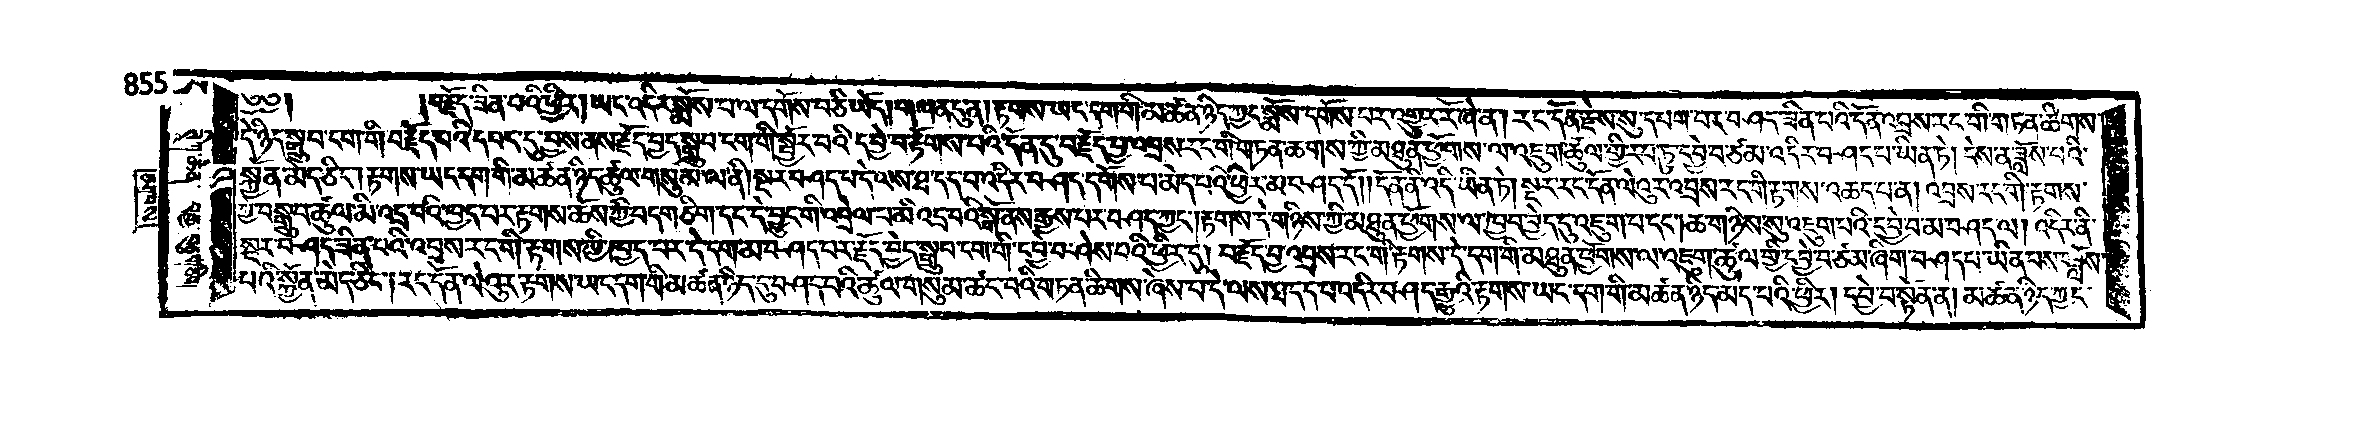༄༅། །བརྗོད་ཟིན་པའི་ཕྱིར། ཡང་འདིར་སྨོས་པ་ལ་དགོས་པ་ཅི་ཡོད། གཞན་དུ་ན། རྟགས་ཡང་དག་གི་མཚན་ཉིད་ཀྱང་སྨོས་དགོས་པར་འགྱུར་རོ། ཞེ་ན། རང་དོན་རྗེས་སུ་དཔག་པར་བཤད་ཟིན་པའི་དོན་འབྲས་རང་གི་གཏན་ཚིགས་
དེ་ཉིད་སྒྲུབ་ངག་གི་བརྗོད་པའི་དབང་དུ་བྱས་ནས་རྗོད་བྱེད་སྒྲུབ་ངག་གི་སྦྱོར་བའི་དབྱེ་བ་རྟོགས་པའི་དོན་དུ་བརྗོད་བྱ་འབྲས་རང་གི་གཏན་ཆགས་ཀྱི་མཐུན་ཕྱོགས་ལ་འཇུག་ཚུལ་གྱི་རབ་ཏུ་དབྱེ་བ་ཙམ་འདིར་བཤད་པ་ཡིན་ཏེ། དེས་ན་ཟློས་པའི་
སྐྱོན་མེད་ཅིང་། རྟགས་ཡང་དག་གི་མཚན་ཉིད་ཚུལ་གསུམ་ལ་ནི། སྔར་བཤད་པ་དེས་ལས་ཐ་དད་པ་འདིར་བཤད་དགོས་པ་མེད་པའི་ཕྱིར་མ་བཤད་དོ། །དོན་ནི་འདི་ཡིན་ཏེ། སྔར་རང་དོན་ལེའུར་འབྲས་རང་གི་རྟགས་འཆད་པ་ན། འབྲས་རང་གི་རྟགས་
ཀྱི་བསྒྲུབ་ཚུལ་མི་འདྲ་བའི་ཁྱད་པར་རྟགས་ཆོས་ཀྱི་བདག་ཅིག་དང་དེ་བྱུང་གི་འབྲེལ་པ་མི་འདྲ་བའི་སྒོ་ནས་རྒྱས་པར་བཤད་ཀྱང་།རྟགས་དེས་གཉིས་ཀྱི་མཐུན་ཕྱོགས་ལ་ཁྱབ་བྱེད་དུ་འཇུག་པ་དང་།ཆ་གཉིས་སུ་འཇུག་པའི་དབྱེ་བ་མ་བཤད་ལ། འདིར་ནི་
སྔར་བཤད་ཟིན་པའི་འབྲས་རང་གི་རྟགས་ཀྱི་ཁྱད་པར་དེ་དག་མ་བཤད་པར་རྗོད་བྱེད་སྒྲུབ་ངག་གི་དབྱེ་བ་ཤེས་པའི་ཕྱིར་དུ། བརྗོད་བྱ་འབྲས་རང་གི་རྟགས་དེ་དག་གི་མཐུན་ཕྱོགས་ལ་འཇུག་ཚུལ་གྱི་དབྱེ་བ་ཙམ་ཞིག་བཤད་པ་ཡིན་པས་བཟློགས་
པའི་སྐྱོན་མེད་ཅིང་།རང་དོན་ལེའུར་རྟགས་ཡང་དག་གི་མཚན་ཉིད་དུ་བཤད་པའི་ཚུལ་གསུམ་ཚང་བའི་གཏན་ཚིགས་ཞེས་པ་དེ་ལས་ཐ་དད་པ་འདིར་བཤད་རྒྱུའི་རྟགས་ཡང་དག་གི་མཚན་ཉིད་མེད་པའི་ཕྱིར། དབྱེ་བ་སྟོན་ན། མཚན་ཉིད་ཀྱང་